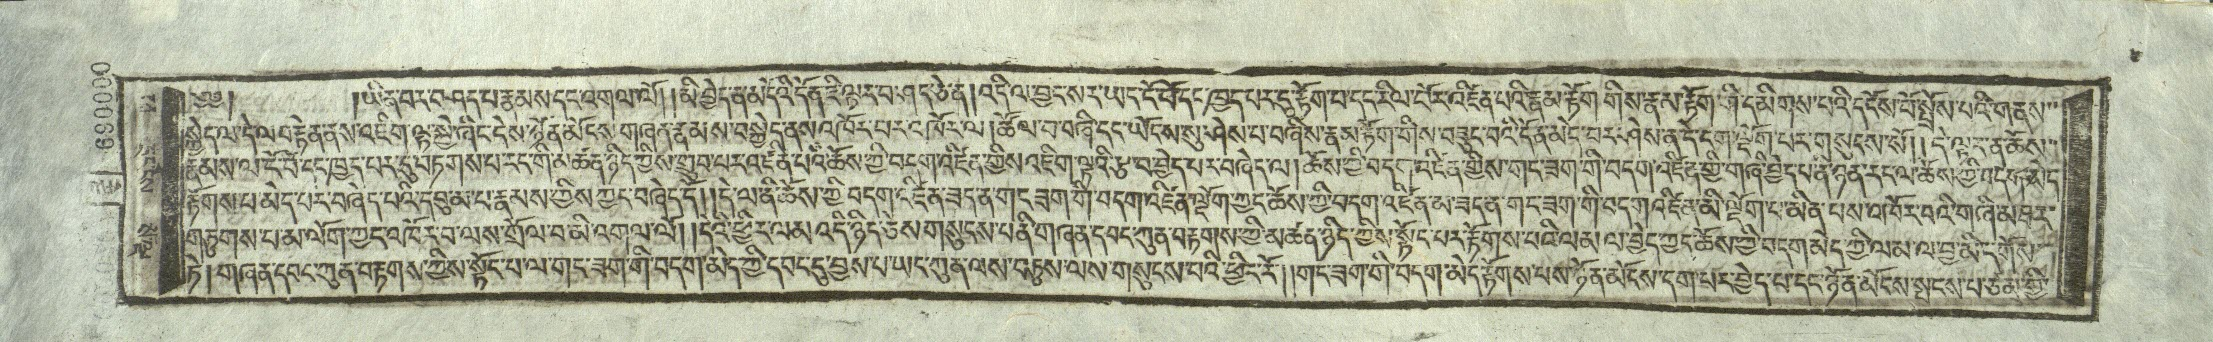༄༅། །ཡིན་པར་བཤད་པ་རྣམས་དང་འགལ་ལོ། །མི་བྱེད་ན་མདོའི་དོན་ཇི་ལྟར་བཤད་ཅེ་ན། འདི་ལ་བྱང་སར་ཡང་ངོ་བོ་དང་ཁྱད་པར་དུ་རྟོག་པ་དང་རིལ་པོར་འཛིན་པའི་རྣམ་རྟོག་གིས་རྣམ་རྟོག་གི་དམིགས་པའི་དངོས་པོ་སྤྲོས་པའི་གནས་
སྐྱེད་ལ་དེ་ལ་བརྟེན་ནས་འཇིག་ལྟ་སྐྱེ་ཞིང་དེས་ཉོན་མོངས་གཞན་རྣམས་བསྐྱེད་ནས་འཁོར་བར་འཁོར་ལ། ཚོལ་བ་བཞི་དང་ཡོངས་སུ་ཤེས་པ་བཞིས་རྣམ་རྟོག་གིས་བཟུང་བའི་དོན་མེད་པར་ཤེས་ན་དེ་དག་ལྡོག་པར་གསུངས་སོ། །དེ་ལྟར་ན་ཆོས་
རྣམས་ལ་ངོ་བོ་དང་ཁྱད་པར་དུ་བཏགས་པ་རང་གི་མཚན་ཉིད་ཀྱིས་གྲུབ་པར་འཛིན་པའི་ཆོས་ཀྱི་བདག་འཛིན་གྱིས་འཇིག་ལྟའི་རྩ་བ་བྱེད་པར་བཞེད་ལ། ཆོས་ཀྱི་བདག་འཛིན་གྱིས་གང་ཟག་གི་བདག་འཛིན་གྱི་གཞི་བྱེད་པ་ནི་ཉན་རང་ལ་ཆོས་ཀྱི་བདག་མེད་
རྟོགས་པ་མེད་པར་བཞེད་པའི་དབུ་མ་པ་རྣམས་ཀྱིས་ཀྱང་བཞེད་དོ། །དེ་ལ་ནི་ཆོས་ཀྱི་བདག་འཛིན་ཟད་ན་གང་ཟག་གི་བདག་འཛིན་ལྡོག་ཀྱང་ཆོས་ཀྱི་བདག་འཛིན་མ་ཟད་ན་གང་ཟག་གི་བདག་འཛིན་མི་ལྡོག་པ་མིན་པས་འཁོར་བའི་གཞི་མཐར་
གཏུགས་པ་མ་ལོག་ཀྱང་འཁོར་བ་ལས་གྲོལ་བ་མི་འགལ་ལོ། །དེའི་ཕྱིར་ལམ་འདི་ཉིད་ཅེས་གསུངས་པ་ནི་གཞན་དབང་ཀུན་བརྟགས་ཀྱི་མཚན་ཉིད་ཀྱིས་སྟོང་པར་རྟོགས་པའི་ལམ་ལ་བྱེད་ཀྱང་ཆོས་ཀྱི་བདག་མེད་ཀྱི་ལམ་ལ་བྱ་མི་དགོས་
ཏེ༑ གཞན་དབང་ཀུན་བརྟགས་ཀྱིས་སྟོང་པ་ལ་གང་ཟག་གི་བདག་མེད་ཀྱི་དབང་དུ་བྱས་པ་ཡང་ཀུན་ལས་བཏུས་ལས་གསུངས་པའི་ཕྱིར་རོ། །གང་ཟག་གི་བདག་མེད་རྟོགས་པས་ཉོན་མོངས་དག་པར་བྱེད་པ་དང་ཉོན་མོངས་སྤངས་པ་ཙམ་གྱི་